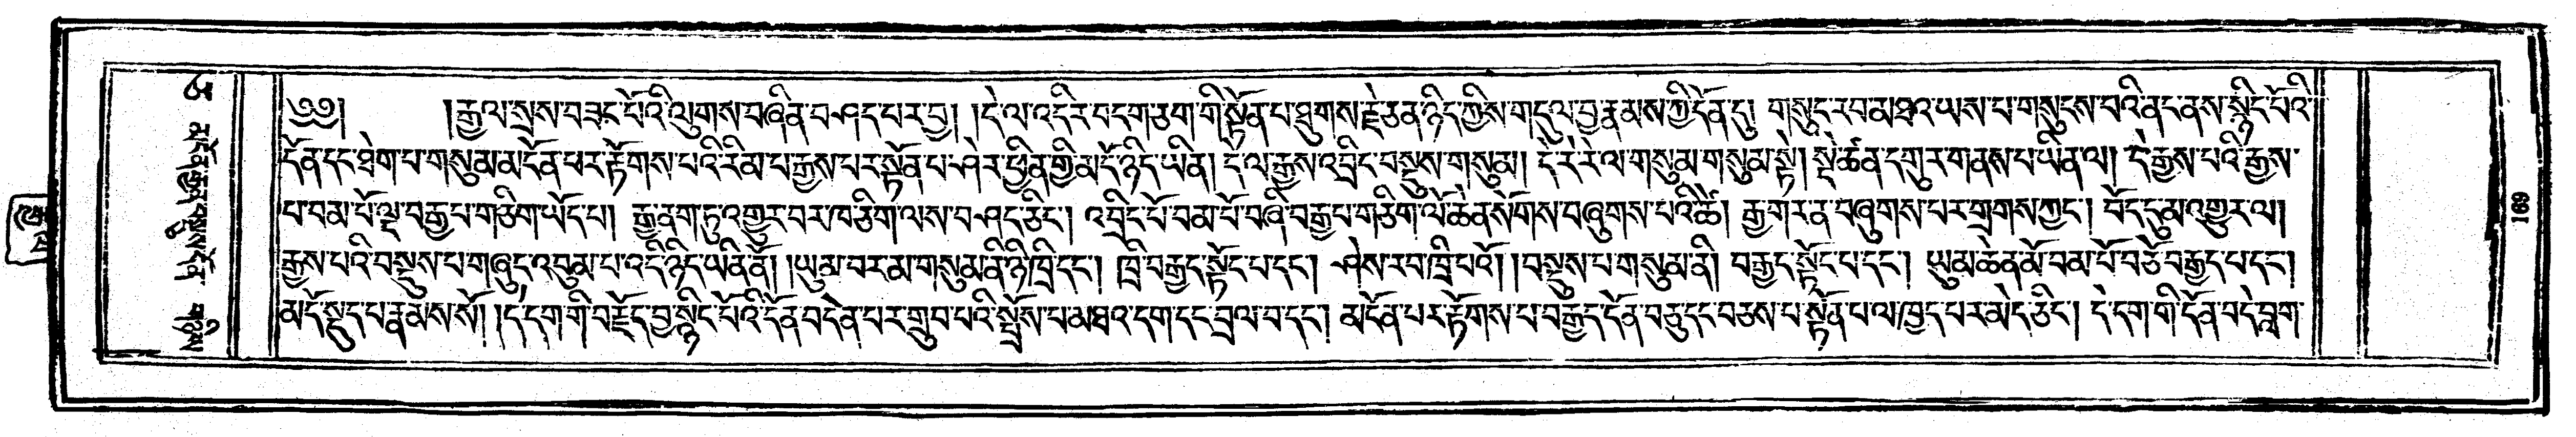༄༅། །རྒྱས་སྲས་བཟང་པོའི་ལུགས་བཞིན་བཤད་པར་བྱ། །དེ་ལ་འདིར་བདག་ཅག་གི་སྟོན་པ་ཐུགས་རྗེ་ཅན་ཉིད་ཀྱིས་གདུལ་བྱ་རྣམས་ཀྱི་དོན་དུ། གསུང་རབ་མཐའ་ཡས་པ་གསུངས་པའི་ནང་ནས་སྙིང་པོའི་
དོན་དང་ཐེག་པ་གསུམ་མངོན་པར་རྟོགས་པའི་རིམ་པ་རྒྱས་པར་སྟོན་པ་ཤེར་ཕྱིན་གྱི་མདོ་ཉིད་ཡིན། དེ་ལ་རྒྱས་འབྲིང་བསྡུས་གསུམ། དེ་རེ་རེ་ལ་གསུམ་གསུམ་སྟེ། སྡེ་ཚན་དགུར་གནས་པ་ཡིན་ལ། དེ་རྒྱས་པའི་རྒྱས་
པ་བམ་པོ་ལྔ་བརྒྱ་པ་གཅིག་ཡོད་པ། རྒྱ་ནག་ཏུ་འགྱུར་པར་ཁ་ཅིག་ལས་བཤད་ཅིང་། འབྲིང་པོ་བམ་པོ་བཞི་བརྒྱ་པ་གཅིག་ལོ་ཆེན་སོགས་བཞུགས་པའི་ཚེ། རྒྱ་གར་ན་བཞུགས་པར་གྲངས་ཀྱང་། བོད་དུ་མ་འགྱུར་ལ།
རྒྱས་པའི་བསྡུས་པ་གཞུང་འབུམ་པ་འདི་ཉིད་ཡིན་ནོ། །ཡུམ་བར་མ་གསུམ་ནི་ཉི་ཁྲི་དང་། ཁྲི་བརྒྱད་སྟོང་པ་དང་། ཤེས་རབ་ཁྲི་པའོ། །བསྡུས་པ་གསུམ་ནི། བརྒྱད་སྟོང་པ་དང་། ཡུམ་ཆེན་མོ་བམ་པོ་བཅོ་བརྒྱད་པ་དང་།
མདོ་སྡུད་པ་རྣམས་སོ། །དེ་དག་གི་བརྗོད་བྱ་སྙིང་པོའི་དོན་བདེན་པར་གྲུབ་པའི་སྤྲོས་པ་མཐའ་དག་དང་བྲལ་བ་དང་། མངོན་པར་རྟོགས་པ་བརྒྱད་དོན་བཅུ་དང་བཅས་པ་སྟོན་པ་ལ་ཁྱད་པར་མེད་ཅིང་། དེ་དག་གི་དོན་བདེ་བླག་